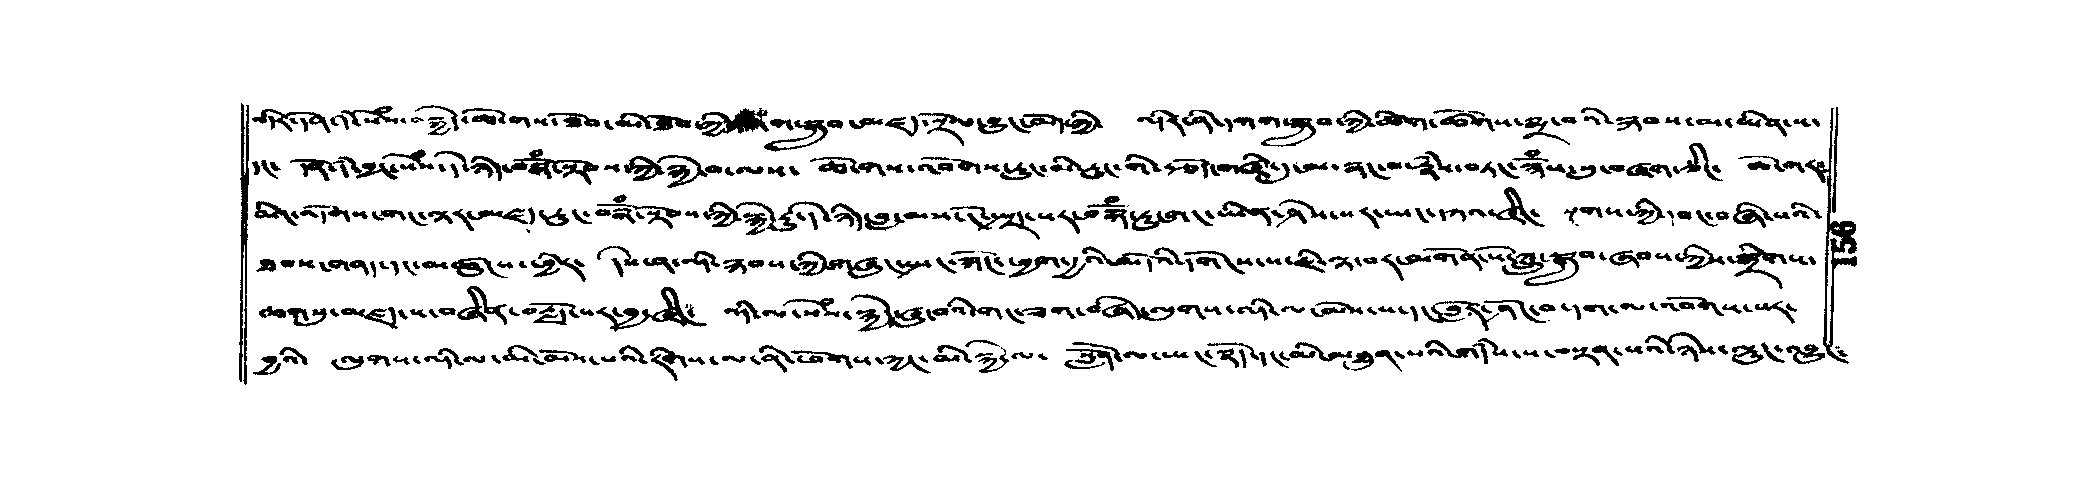འདིར་དོན་དམ་སེམས་བསྐྱེད་ཆོ་གས་ཐོབ་མི་ཐོབ་ཀྱི་དགག་སྒྲུབ་མཛད་སྲོལ་བྱུང་མོད་ཀྱི། འདིར་ནི་དགག་སྒྲུབ་ཀྱི་ཚིག་ཚོགས་སྨྲ་བའི་སྐབས་མ་ཡིན་པ་
དང་། དོན་དམ་བྱང་སེམས་དེ་ཉིད་བསྒོམ་སྟོབས་ཀྱི་སྐྱེ་བ་ལས། ཆོག་གས་འབོགས་ཏུ་མི་རུང་གི་རྩོད་གཞི་དུ་མ་སྣང་བ་རྣམས་བཏང་སྙོམས་སུ་བཞག་ཅིང་། ཆོ་གར་
མིང་འདོགས་གང་ལྟར་མཛད་རུང་བསྒོམ་སྟོབས་ཀྱི་སྐྱེ་རུ་དེ་ཉིད་བླ་མས་ངོ་སྤྲད་པར་བསྒོམ་རུ་གང་ཡིན་ཤེས་པར་ཡང་དཀའ་ཞིང་། སྔགས་ཀྱི་དབང་བཞི་པའི་
ཐབས་གནད་དང་མཚུངས་ཕྱིར། དེས་ན་འདི་སྐབས་ཀྱི་གཞུང་སྤང་སྐོང་ཕྱག་རྒྱའི་མདོའི་དགོངས་པ་ཇི་ལྟ་བར་མགོན་པོ་ཀླུ་སྒྲུབ་ཞབས་ཀྱིས་སྒྲིགས་
ཆགས་སུ་མཛད་པ་བཞིན་བརྗོད་པར་བྱ་ཞིང་། འདི་ལ་སེམས་སྐྱེད་ཞུ་བའི་གང་ཟག་བཞེད་ལུགས་འདི་ལ་མོས་པ་དང་བློར་ཤོང་བ་དག་ལ་འབོགས་པར་
བྱའི།ལུགས་འདི་ལ་མི་མོས་པའི་རིགས་ལ་ནི་ཕོགས་ཀྱང་མི་སྐྱེ་ལ། སློབ་དཔོན་ལ་ཡང་སྣོད་དང་མི་མཐུན་པའི་གདམས་པ་བསྟན་པའི་ཉེས་ལྟུང་འབྱུང་